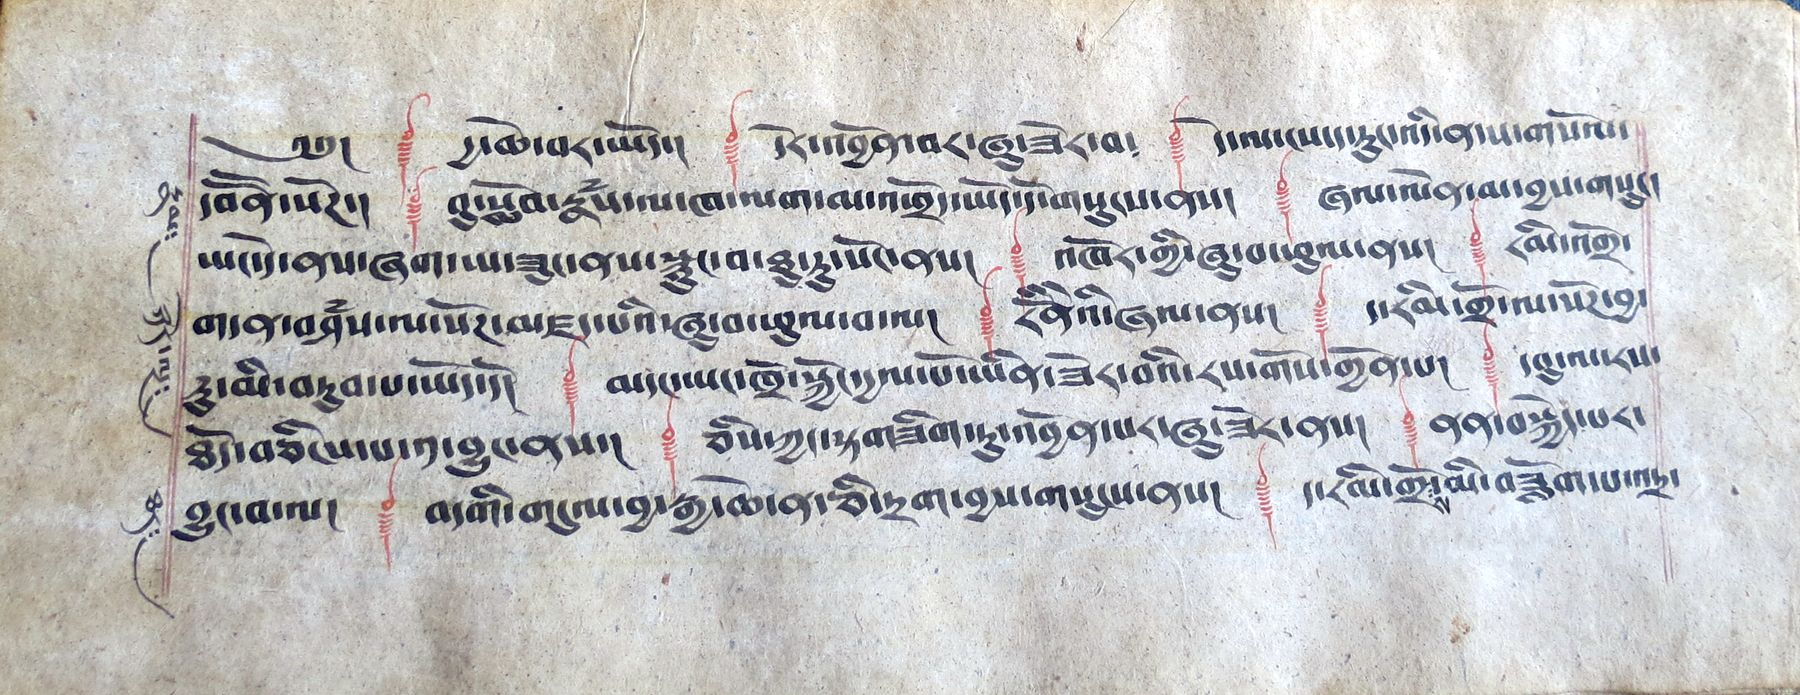རྒྱ་ཆེ་བར་ཡོད། དེར་བྱོན་པར་ཞུ་ཟེར་བ་ལ། དེ་ལ་ངས་ད་རུང་འདི་ན་གསོལ་
དབོན་པོ་ལས་སོགས། བུ་སློབ་རྣམས་ལ་ཁ་ལག་མ་འཕྲོད་ཡོད་གསུངས་ནས། ཞལ་ལེན་མ་བྱས་གསུངས། 
ཡང་དེ་ནས་ཞག་ཡ་ཟུང་ནས་བསྙུང་བ་ཐུ་རུ་སོང་ནས། འཁོར་པ་ཀུན་གྱིས་ཞུ་བ་ཕུལ་ནས། རིམ་འགྲོ་
གདན་བཤམས་ལས་སོགས་མཛད་པའི་ཞུ་ཕུལ་བ། རིན་པོ་ཆེའི་ཞལ་ནས། ད་རིམ་གྲོ་ལས་སོགས་བྱས་
རུང་མི་ཐུབ་པར་ཡོད་དོ། ། མདང་ཡང་ཁྲོ་སྐྱོང་རྒྱལ་པོ་ཡིན་ཟེར་བའི་རས་གོས་གྱོན་པ། དབུ་ལ་རས་
ཐོད་བཅིངས་པ་ཞིག་བྱུང་ནས། ཅིས་ཀྱང་རྟག་གཟིགས་སུ་བྱོན་པར་ཞུ་ཟེར་ནས། ནན་བསྐྱེད་པར་
བྱུང་བ་ལ། བདག་གིས་ཀྱང་ད་གདུལ་བྱ་རྒྱ་ཆེ་ན་ཅི་དྲག་བྱ་གསུངས་པས། ད་རིམ་གྲོས་མི་བཟློག་པ་འདྲ་